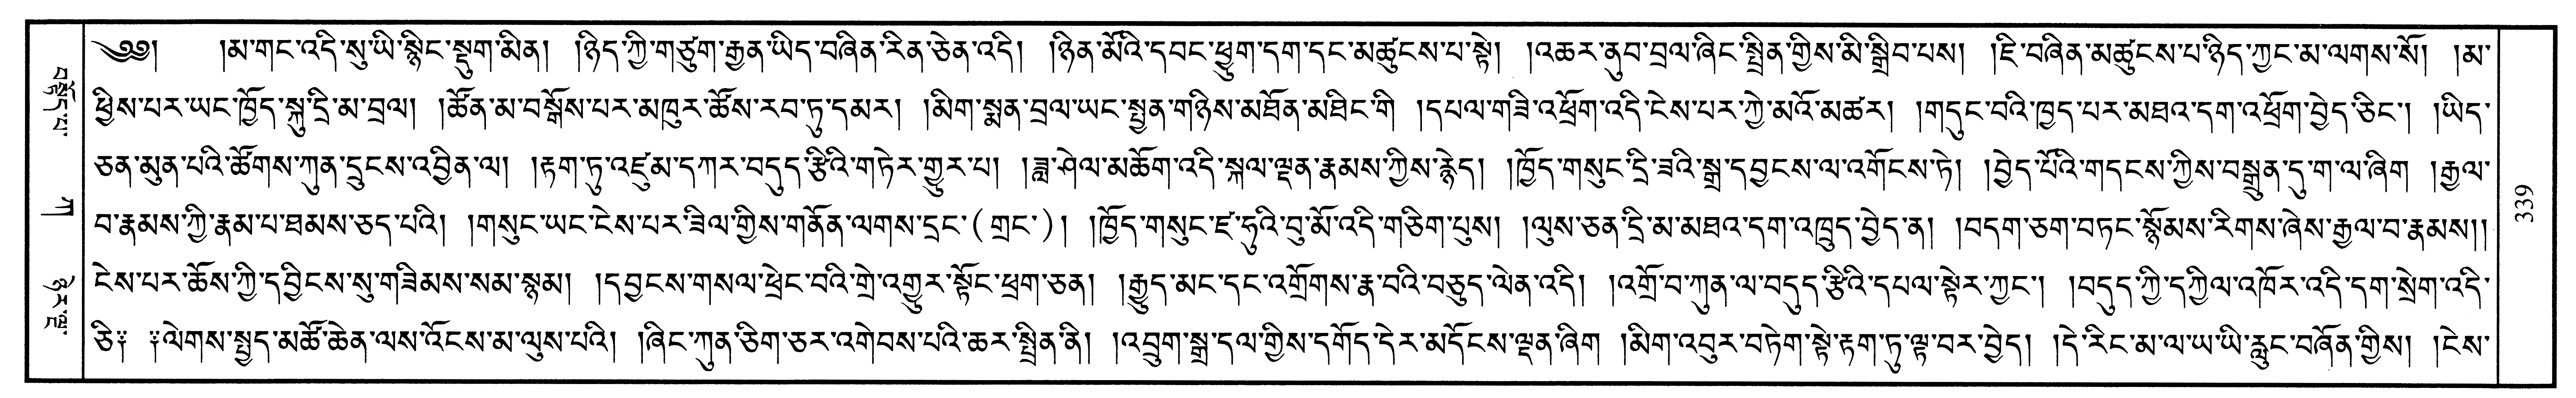༄༅། །མ་གང་འདི་སུ་ཡི་སྙིང་སྡུག་མིན། །ཉིད་ཀྱི་གཙུག་རྒྱན་ཡིད་བཞིན་རིན་ཅེན་འདི། །ཉིན་མོའི་དབང་ཕྱུག་དག་དང་མཚུངས་པ་སྟེ། །འཆར་ནུབ་བྲལ་ཞིང་སྤྲིན་གྱིས་མི་སྒྲིབ་པས། །ཇི་བཞིན་མཚུངས་པ་ཉིད་ཀྱང་མ་ལགས་སོ། །མ་
ཕྱིས་པར་ཡང་ཁྱོད་སྐུ་དྲི་མ་བྲལ། །ཚོན་མ་བསྒོས་པར་མཁུར་ཚོས་རབ་ཏུ་དམར། །མིག་སྨན་བྲལ་ཡང་སྤྱན་གཉིས་མཐོན་མཐིང་གི །དཔལ་གཟི་འཕྲོག་འདི་ངེས་པར་ཀྱེ་མའོ་མཚར། །གདུང་བའི་ཁྱད་པར་མཐའ་དག་འཕྲོག་བྱེད་ཅིང་། །ཡིད་
ཅན་མུན་པའི་ཚོགས་ཀུན་དྲུངས་འབྱིན་ལ། །རྟག་ཏུ་འཛུམ་དཀར་བདུད་རྩིའི་གཏེར་གྱུར་པ། །ཟླ་ཤེལ་མཆོག་འདི་སྐལ་ལྡན་རྣམས་ཀྱིས་རྙེད། །ཁྱོད་གསུང་དྲི་ཟའི་སྒྲ་དབྱངས་ལ་འགོངས་ཏེ། །བྱེད་པོའི་གདངས་ཀྱིས་བསྒྲུན་དུ་ག་ལ་ཞིག །རྒྱལ་
བ་རྣམས་ཀྱི་རྣམ་པ་ཐམས་ཅད་པའི། །གསུང་ཡང་ངེས་པར་ཟིལ་གྱིས་གནོན་ལགས་དྲང་གྲང། །ཁྱོད་གསུང་ཛ་ཧུའི་བུ་མོ་འདི་གཅིག་པུས། །ལུས་ཅན་དྲི་མ་མཐའ་དག་འཁྲུད་བྱེད་ན། །བདག་ཅག་བཏང་སྙོམས་རིགས་ཞེས་རྒྱལ་བ་རྣམས།།
ངེས་པར་ཆོས་ཀྱི་དབྱིངས་སུ་གཟིམས་སམ་སྙམ། །དབྱངས་གསལ་ཕྲེང་བའི་གྲེ་འགྱུར་སྟོང་ཕྲག་ཅན། །རྒྱུད་མང་དང་འགྲོགས་རྣ་བའི་བཅུད་ལེན་འདི། །འགྲོ་བ་ཀུན་ལ་བདུད་རྩིའི་དཔལ་སྟེར་ཀྱང་། །བདུད་ཀྱི་དཀྱིལ་འཁོར་འདི་དག་སྲེག་འདི་
ཅི༑ ༑ལེགས་སྤྱད་མཚོ་ཆེན་ལས་འོངས་མ་ལུས་པའི། །ཞིང་ཀུན་ཅིག་ཅར་འགེབས་པའི་ཆར་སྤྲིན་ནི། །འབྲུག་སྒྲ་དལ་གྱིས་དགོད་དེར་མདོངས་ལྡན་ཞིག །མིག་འབུར་བཏེག་སྟེ་རྟག་ཏུ་ལྟ་བར་བྱེད། །དེ་རིང་མ་ལ་ཡ་ཡི་རླུང་བཞོན་གྱིས། །ངེས་